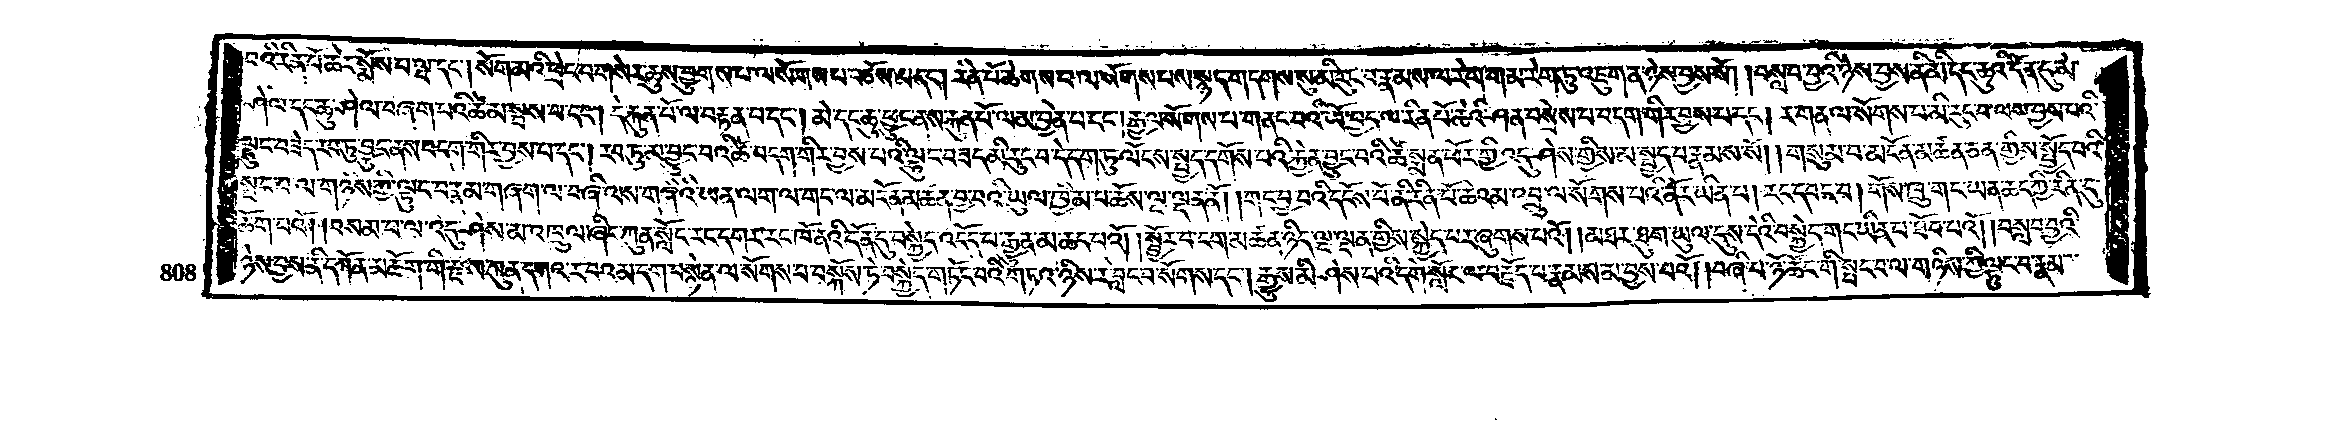བའི་རིན་པོ་ཆེར་སྨོས་པ་ལྔ་དང་། སོག་མའི་ཕྲེང་བ་གསེར་ཆུས་བྱུགས་པ་ལ་སོགས་པ་བཅོས་མནང་། རིན་པོ་ཆེགས་པ་ལ་སོགས་པས་སྙད་གདགས་སུ་མི་རུང་བ་རྣམས་ལ་རེག་གམ་རེག་ཏུ་འཇུག་ན་ཉེས་བྱས་སོ། །བསླབ་བྱའི་ཉེས་བྱས་ནི་མི་དང་ཆུའི་དོན་དུ་མེ་
ཤེལ་དང་ཆུ་ཤེལ་བཞག་པའི་ཚེ་མ་སྦས་པ་དང་། དེ་རྐུན་པོ་ལ་བརྟན་པ་དང་། མེ་དང་ཆུ་ཕྱུང་ནས་རྐུན་པོ་ལམ་བྱེན་པ་དང་། རྒྱ་ལ་སོགས་པ་གནང་བའི་ཡོ་བྱད་ལ་རིན་པོ་ཆེའི་ཤན་བསྲེས་པ་བདག་གིར་བྱས་པ་དང་། ར་གན་ལ་སོགས་པ་མི་རུང་བ་ལས་བྱས་པའི་
ལྷུང་བཟེད་རབ་ཏུ་བྱུང་ནས་བདག་གིར་བྱས་པ་དང་། རབ་ཏུ་མ་བྱུང་བའི་ཚེ་བདག་གིར་བྱས་པའི་ལྷུང་བཟད་དམི་རུང་བ་དེ་དག་ཏུ་ལོངས་སྤྱད་དགོས་པའི་རྐྱེན་བྱུང་བའི་ཚེ་སྨན་ཕོར་གྱི་འདུ་ཤེས་གྱིས་མ་སྤྱད་པ་རྣམས་སོ། །གསུམ་པ་མངོན་མཚན་ཅན་གྱིས་སྤྱོད་པའི་
སྤང་བ་ལ་གཉིས་ཀྱི་ལྟུང་བ་རྣམ་གཞག་ལ་བཞི་ལས་གཞིའི་ཡན་ལག་ལ་གང་ལ་མངོན་མཚན་བྱ་བའི་ཡུལ་ཁྱིམ་པ་ཆོས་ལྔ་ལྡན་ནོ། །གང་བྱ་བའི་དངོས་པོ་ནི་རིན་པོ་ཆེའམ་འབྲུ་ལ་སོགས་པའི་ནོར་ཡིན་པ། རང་དབང་བ། གོས་ཁྲུ་གང་ཡན་ཆད་ཀྱི་རིན་དུ་
ཆོག་པའོ། །བསམ་པ་ལ་འདུ་ཤེས་མ་འཁྲུལ་ཞིང་ཀུན་སློང་རང་དགར་རང་ཁོ་ནའི་དོན་དུ་བསྐྱེད་འདོད་པ་རྒྱུན་མ་ཆད་པའོ། །སྦྱོར་བ་ངག་མཚན་ཉིད་ལྔ་ལྡན་གྱིས་སྐྱེད་པར་ཞུགས་པའོ། །མཐར་ཐུག་ཡུལ་དུས་དེའི་བསྐྱེད་གང་ཡིན་པ་ཐོབ་པའོ། །བསླབ་བྱའི་
ཉེས་བྱས་ནི་དཀོན་མཆོག་གི་རྫས་ཀུན་དགའ་ར་བའམ་དག་བསྙེན་ལ་སོགས་པ་བསྐོས་ཏེ་བསྐྱེད་གཏོང་བའི་གཏའ་ཉིས་རེ་བླང་བ་སོགས་དང་། རྒྱུས་མི་ཤེས་པའི་དགེ་སློང་ལ་བརྗོད་པ་རྣམས་མ་བྱས་པའོ། །བཞི་པ་ཉོ་ཚོང་གི་སྤང་བ་ལ་གཉིས་ཀྱི་ལྟུང་བ་རྣམ་